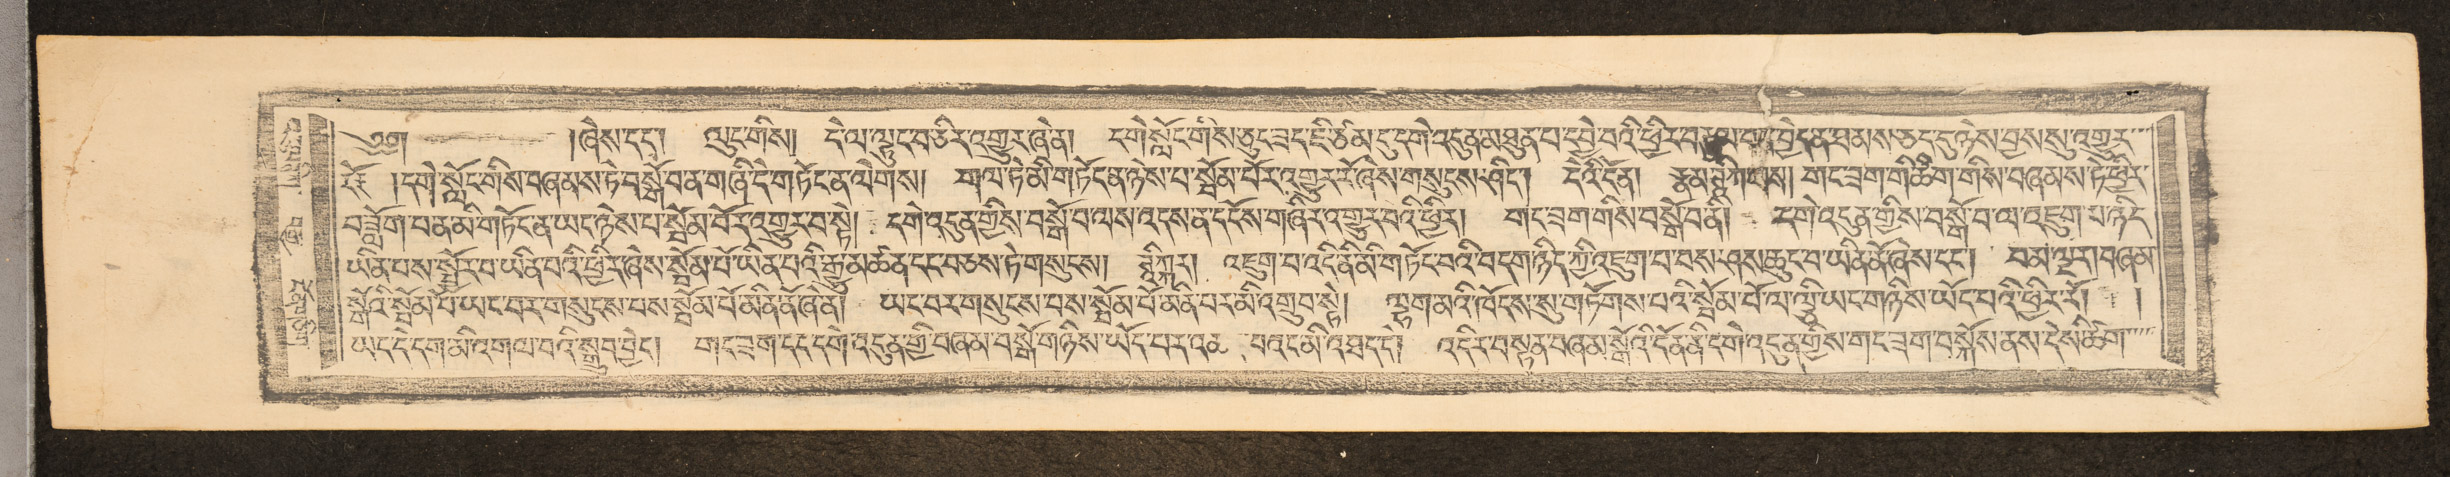༄༅། །ཞེས་དང་། ལུང་གིས། དེ་ལ་ལྟུང་བ་ཅིར་འགྱུར་ཞེ་ན། དགེ་སློང་གིས་ཅུང་ཟད་ཇི་ཙམ་དུ་དགེ་འདུན་མཐུན་པ་དབྱེ་བའི་ཕྱིར་བརྟུལ་བར་བྱེད་ན་ཐམས་ཅད་དུ་ཉེས་བྱས་སུ་འགྱུར་
རོ༑ །དགེ་སློང་གིས་བཞམས་ཏེ་བསྒོ་བ་ན་གཞི་དེ་གཏོང་ན་ལེགས། གལ་ཏེ་མི་གཏོང་ན་ཉེས་པ་སྦོམ་པོར་འགྱུར་རོ་ཞེས་གསུངས་ཤིང་། དེའི་དོན། རྣམ་ཊཱིཀ་ལས། གང་ཟག་གི་ཚིག་གིས་བཞམས་ཏེ་ཕྱིར་
བཟློག་པ་ན་མ་གཏོང་ན་ཡང་ཉེས་པ་སྦོམ་པོར་འགྱུར་བ་སྟེ། དགེ་འདུན་གྱིས་བསྒོ་བ་ལས་འདས་ན་དངོས་གཞིར་འགྱུར་བའི་ཕྱིར། གང་ཟག་གིས་བསྒོ་བ་ནི། དགེ་འདུན་གྱིས་བསྒོ་བ་ལ་འཇུག་པ་ཉིད་
ཡིན་པས་སྦྱོར་བ་ཡིན་པའི་ཕྱིར་ཞེས་སྦོམ་པོ་ཡིན་པའི་རྒྱུ་མཚན་དང་བཅས་ཏེ་གསུངས། ཊཱིཀྐར། འཇུག་པ་འདི་ནི་མི་གཏོང་བའི་བདག་ཉིད་ཀྱི་འཇུག་པ་བས་ཤས་ཆུང་བ་ཡིན་ནོ་ཞེས་དང་། བམ་ལྔར། བཞམ་
སྒོའི་སྦོམ་པོ་ཡང་བར་གསུངས་པས་སྦོམ་པོ་མིན་ནོ་ཞེ་ན། ཡང་བར་གསུངས་པས་སྦོམ་པོ་མིན་པར་མི་འགྲུབ་སྟེ། ལྷག་མའི་ཁོངས་སུ་གཏོགས་པའི་སྦོམ་པོ་ལ་ལྕི་ཡང་གཉིས་ཡོད་པའི་ཕྱིར་རོ། །
ཡང་དེ་དག་མི་འགལ་བའི་སྒྲུབ་བྱེད། གང་ཟག་དང་དགེ་འདུན་གྱི་བཞམ་བསྒོ་གཉིས་ཡོད་པར་འཆད་པའང་མི་འཐད་དེ། འདིར་བསྟན་བཞམ་སྒོའི་དོན་ནི་དགེ་འདུན་གྱིས་གང་ཟག་བསྐོས་ནས་དེས་ཚིག་